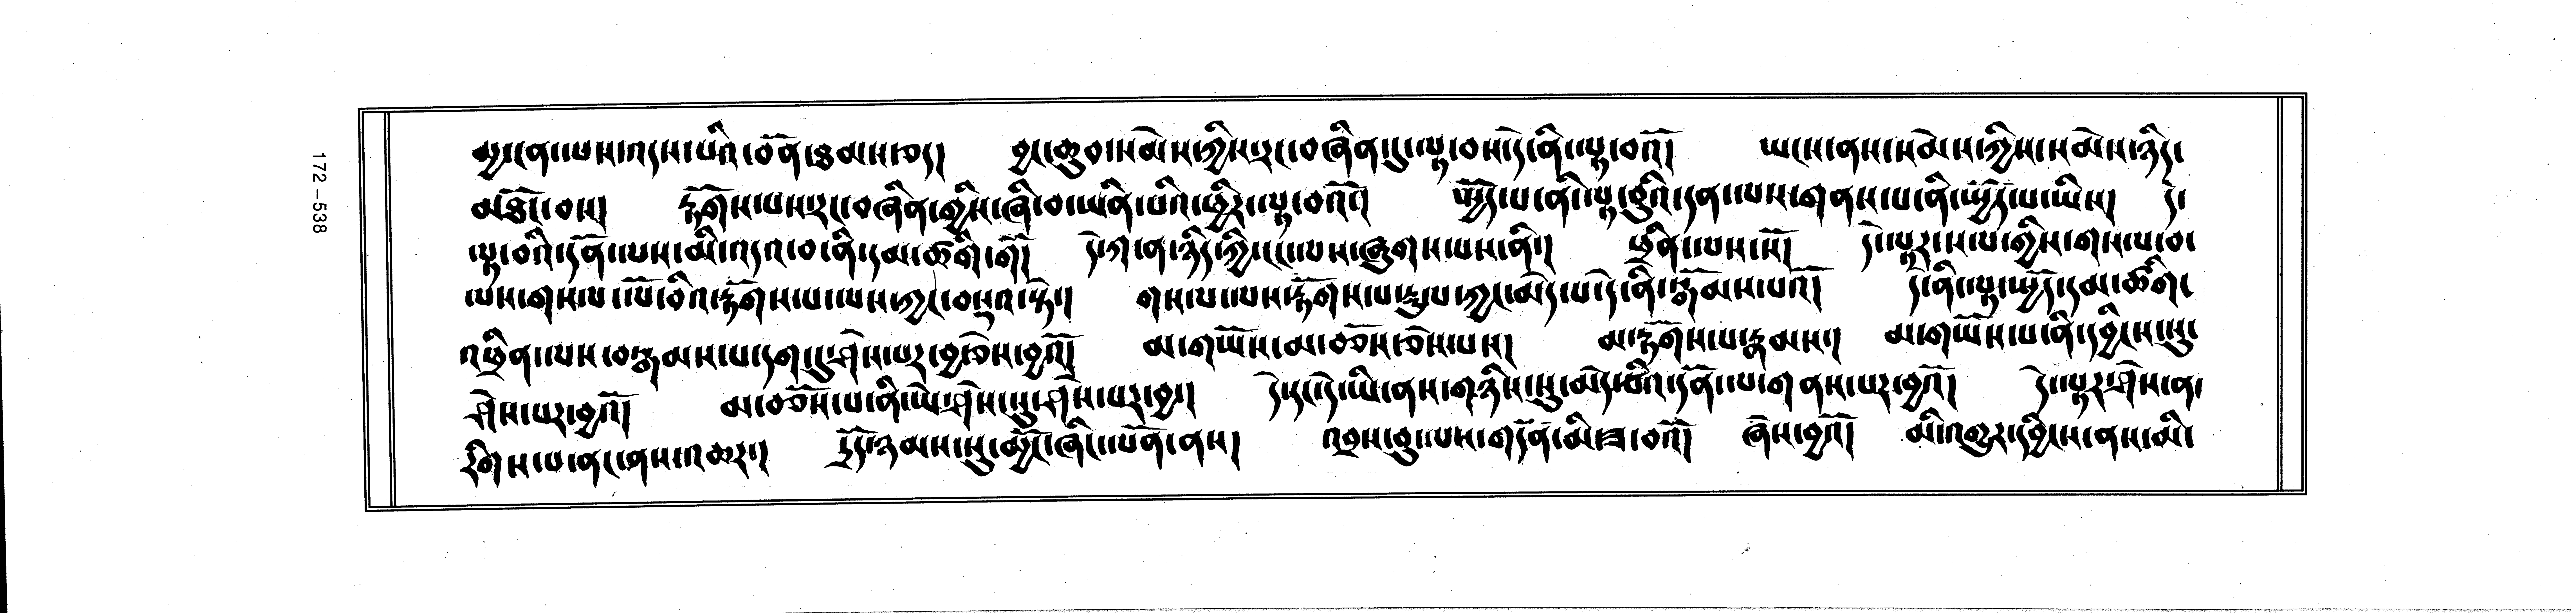མྱ་ངན་པས་འདས་པའི་བོན་ཐམས་ཅད། བྱང་ཆུབ་སེམས་ཀྱིས་རང་བཞིན་དུ་ལྟ་བས་དེ་ནི་ལྟ་བའོ། ཡང་ནས་སེམས་ཀྱིས་སེམས་ཉིད་
མཐོང་བས། རྟོགས་པས་རང་བཞིན་གྱིས་ཞི་བ་ཡིན་པའི་ཕྱིར་ལྟ་བའོ། སྤྱོད་པ་ནི་ལྟ་བུའི་དན་ལས་གནས་པ་ནི་སྤྱོད་པ་ཡིས། དེ་
ལྟ་བའི་དོན་ལས་མི་འདའ་བ་ནི་དམ་ཚིག་གོ། དེ་ཀ་ན་ཉིད་ཀྱི་ངང་ལས་ཞུགས་པས་ནི། ཕྲིན་ལས་སོ། དེ་ལྟར་སལ་གྱིས་གསལ་བ་
ལས་གསལ་ལོ་བའི་རྟོགས་པ་ལས་ཀྱང་བསྡའ་སྟེ། གསལ་ལས་རྟོགས་པ་རྡུལ་ཀྱང་མེད་པ་དེ་ནི་སྒོམས་པའོ། དེ་ནི་ལྟ་སྤྱོད་དམ་ཚིག་
འཕྲིན་ལས་བསྒོམས་པ་དག་དུ་ཤེས་པར་བྱ་ཅེས་བྱའོ། མ་གཡོས་མ་བཅོས་ཅེས་པས། མ་རྟོགས་པ་རྣམས། མ་གཡོས་པ་ནི་དབྱིངས་སུ་
ཤེས་པར་བྱའོ། མ་བཅོས་པ་ནི་ཡེ་ཤེས་སུ་ཤེས་པར་བྱ། དེ་དང་དེ་ཡི་ནས་གཉིས་སུ་མེད་པའི་དོན་ལ་གནས་པར་བྱའོ། དེ་ལྟར་ཤེས་ན་
རིག་པ་ནམ་ནས་འཆར། དྲོད་ཉམས་མྱོང་ཞིང་ལོན་ནས། འབྲས་བུ་ལས་གདོན་མི་ཟ་བའོ། ཞེས་བྱའོ། མི་འགྱུར་དབྱིངས་ནས་མི་